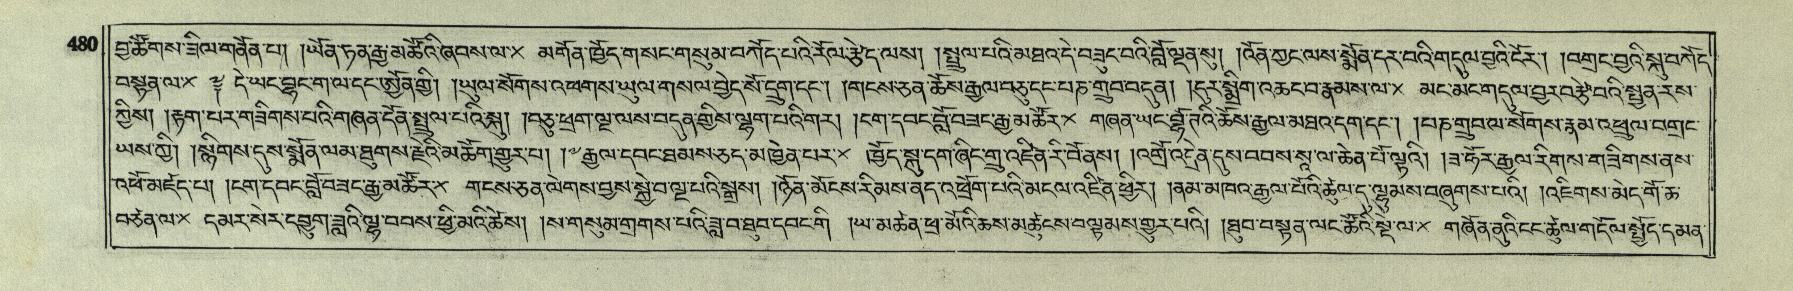བྱ་ཚོགས་ཟིལ་གནོན་པ། །ཡོན་ཏན་རྒྱ་མཚོའི་ཞབས་ལ་྾་མགོན་ཁྱོད་གསང་གསུམ་བཀོད་པའི་རོལ་རྩེད་ལས། །སྤྲུལ་པའི་མཐའ་དེ་བཟུང་བའི་བློ་ལྡན་སུ། །འོན་ཀྱང་ལས་སྨོན་དར་བའི་གདུལ་བྱའི་ངོར། །བགྲང་བྱའི་སྐུ་བཀོད་
བསྟན་ལ་྾་འ་དེ་ཡང་བྷང་ག་ལ་དང་ཨཡོན་གྱི། །ཡུལ་སོགས་འཕགས་ཡུལ་གསལ་བྱེད་སོ་དྲུག་དང་། །གངས་ཅན་ཆོས་རྒྱལ་བཅུ་དང་པཎ་གྲུབ་བདུན། །དུར་སྨྲིག་འཆང་བ་རྣམས་ལ་྾་མང་མང་གདུལ་བྱར་བརྩེ་བའི་སྤྱན་རས་
ཀྱིས། །རྟག་པར་གཟིགས་པའི་གཞན་དོན་སྤྲུལ་པའི་སྐུ། །བཅུ་ཕྲག་ལྔ་ལས་བདུན་གྱིས་ལྷག་པའི་གར། །ངག་དབང་བློ་བཟང་རྒྱ་མཚོར་྾་གཞན་ཡང་བྷོ་ཊའི་ཆོས་རྒྱལ་མཐའ་དག་དང་། །པཎ་གྲུབ་ལ་སོགས་རྣམ་འཕྲུལ་བགྲང་
ཡས་ཀྱི། །སྙིགས་དུས་སྨོན་ལམ་ཐུགས་རྗེའི་མཆོག་གྱུར་པ། །༧རྒྱལ་དབང་ཐམས་ཅད་མཁྱེན་པར་྾་ཁྱོད་སྐུ་དག་ཞིང་གྲུ་འཛིན་རི་བོ་ནས། །འགྲོ་འདྲེན་དུས་བབས་སཱ་ལ་ཆེན་པོ་ལྟའི། །ཟ་ཧོར་རྒྱལ་རིགས་གཟིགས་ནས་
འཕོ་མཛད་པ། །ངག་དབང་བློ་བཟང་རྒྱ་མཚོར་྾་གངས་ཅན་ལེགས་བྱས་སྐྱེ་བ་ལྔ་པའི་སྒྲས། །ཉོན་མོངས་རིམས་ནད་འཕྲོག་པའི་མངལ་འཛིན་ཕྱིར། །ནམ་མཁའ་རྒྱལ་པོའི་ཚུལ་དུ་ལྷུམས་བཞུགས་པའི། །འཇིགས་མེད་གོ་ཆ་
བཙན་ལ་྾་དམར་སེར་དབྱུག་ཟླའི་ལྷ་བབས་ཕྱི་མའི་ཚེས། །ས་གསུམ་གྲགས་པའི་ཟླ་བ་ཐུབ་དབང་གི །ཡ་མཚན་ཕྲ་མོའི་ཆས་མཚུངས་བལྟམས་གྱུར་པའི། །ཐུབ་བསྟན་ལང་ཚོའི་སྡེ་ལ་྾་གཞོན་ནུའི་ངང་ཚུལ་གདོལ་སྤྱོད་དམན་